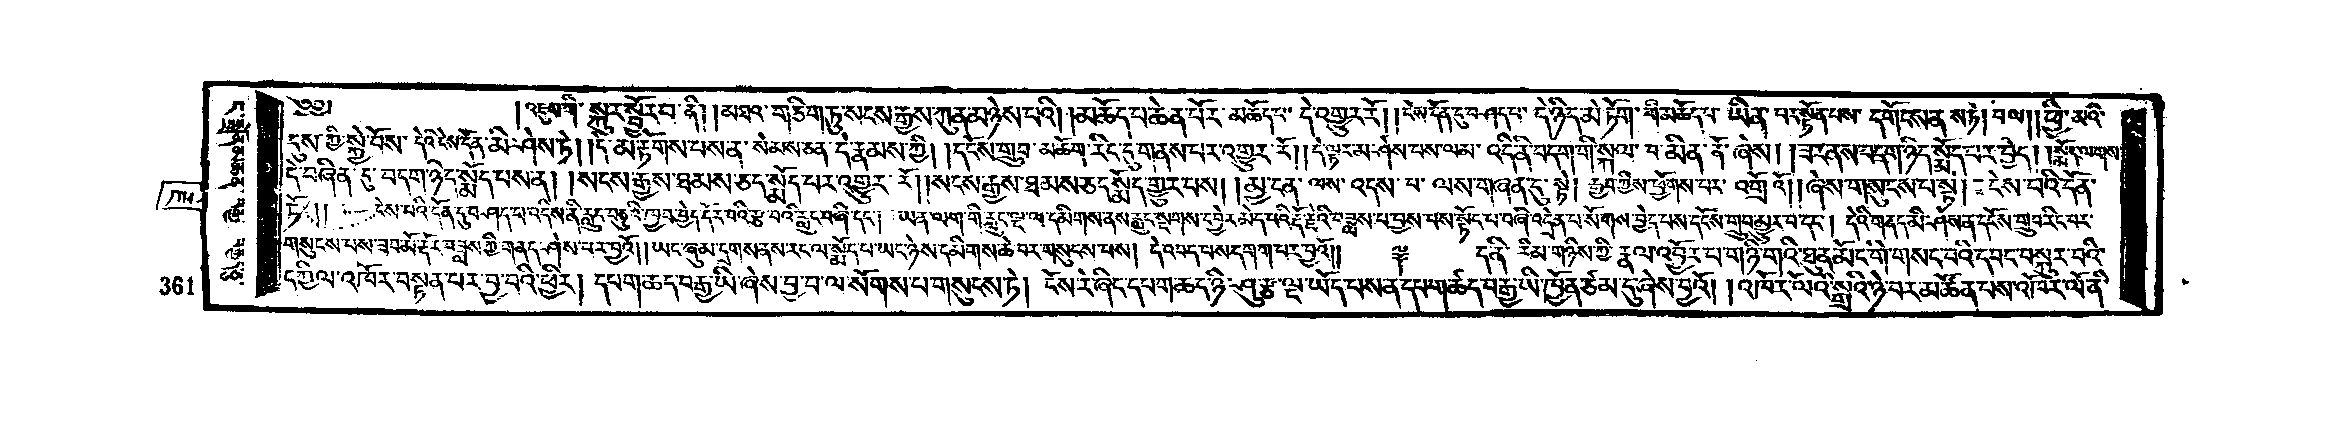༄༅། །འཇུག་གི་སྐུར་སྦྱོར་བ་ནི། །མཐའ་གཅིག་ཏུ་སངས་རྒྱས་ཀུན་མཉེས་པའི། །མཆོད་པ་ཆེན་པོར་མཆོད་པ་དེ་འགྱུར་རོ། །ངེས་དོན་དུ་བཤད་པ་དེ་ཉིད་མེ་ཏོག་གི་མཆོད་པ་ཡིན་པར་སྟོན་པས་དགོངས་ནས་ཏེ། པ་ལ།  །ཕྱི་མའི
དུས་ཀྱི་སྐྱེ་བོས་དེའི་ངེས་དོན་མི་ཤེས་ཏེ། །དེ་མ་རྟོགས་པས་ན་སེམས་ཅན་དེ་རྣམས་ཀྱི། །དངོས་གྲུབ་མཆོག་རིང་དུ་གནས་པར་འགྱུར་རོ། །དེ་ལྟར་མ་ཤེས་པས་ལམ་འདི་ནི་བདག་གི་སྐལ་བ་མིན་ནོ་ཞེས། །ཟེར་ནས་བདག་ཉིད་སྨོད་པར་བྱེད། །སྨོད་ལུགས
དེ་བཞིན་དུ་བདག་ཉིད་སྨོད་པས་ན། །སངས་རྒྱས་ཐམས་ཅད་སྨོད་པར་འགྱུར་རོ།  །སངས་རྒྱས་ཐམས་ཅད་སྨོད་གྱུར་པས། །མྱ་ངན་ལས་འདས་པ་ལས་གཞན་དུ་སྟེ། རྒྱབ་ཀྱིས་ཕྱོགས་པར་འགྲོའོ། །ཞེས་གསུངས་པ་སྟེ། །ངེས་པའི་དོན་
ཏོ།། H.་ངེས་པའི་དོན་དུ་བཤད་པ་འདིས་ནི་རླུང་བཅུའི་ཁྱབ་བྱེད་དོར་བའི་རྩ་བའི་རླུང་བཞི་དང་། ཡན་ལག་གི་རླུང་ལྔ་ལ་དམིགས་ནས་རླུང་སྔགས་དབྱེར་མེད་པའི་རྡོ་རྗེའི་བཟླས་པ་བྱས་པས་སྟོང་པ་བཞི་འདྲེན་པ་སོགས་བྱེད་པས་དངོས་གྲུབ་མྱུར་པ་དང་། དེའི་གནད་མི་ཤེས་ན་དངོས་གྲུབ་རིང་བར་
གསུངས་པས་ཟབ་མོ་རྡོར་བཟླས་ཀྱི་གནད་ཤེས་པར་བྱའོ། །ཡང་ཞུམ་དྲགས་ནས་རང་ལ་སྨོད་པ་ཡང་ཉེས་དམིགས་ཆེ་བར་གསུངས་པས། དེ་འབད་པས་དགག་པར་བྱའོ།། ༈ ད་ནི་རིམ་གཉིས་ཀྱི་རྣལ་འབྱོར་པ་གཉི་གའི་ཐུན་མོང་གི་གསང་བའི་དབང་བསྐུར་བའི་
དཀྱིལ་འཁོར་བསྟན་པར་བྱ་བའི་ཕྱིར། དཔག་ཆད་བརྒྱ་ཡི་ཞེས་བྱ་བ་ལ་སོགས་པ་གསུངས་ཏེ། ངོས་རེ་ཞིང་དཔག་ཚད་ཉི་ཤུ་རྩ་ལྔ་ཡོད་པས་ན་དཔག་ཚད་བརྒྱ་ཡི་ཁྱོན་ཙམ་དུ་ཞེས་བྱའོ། །འཁོར་ལོའི་སྒྲའི་ཉེ་བར་མཚོན་པས་འཁོར་ལོ་ནི་